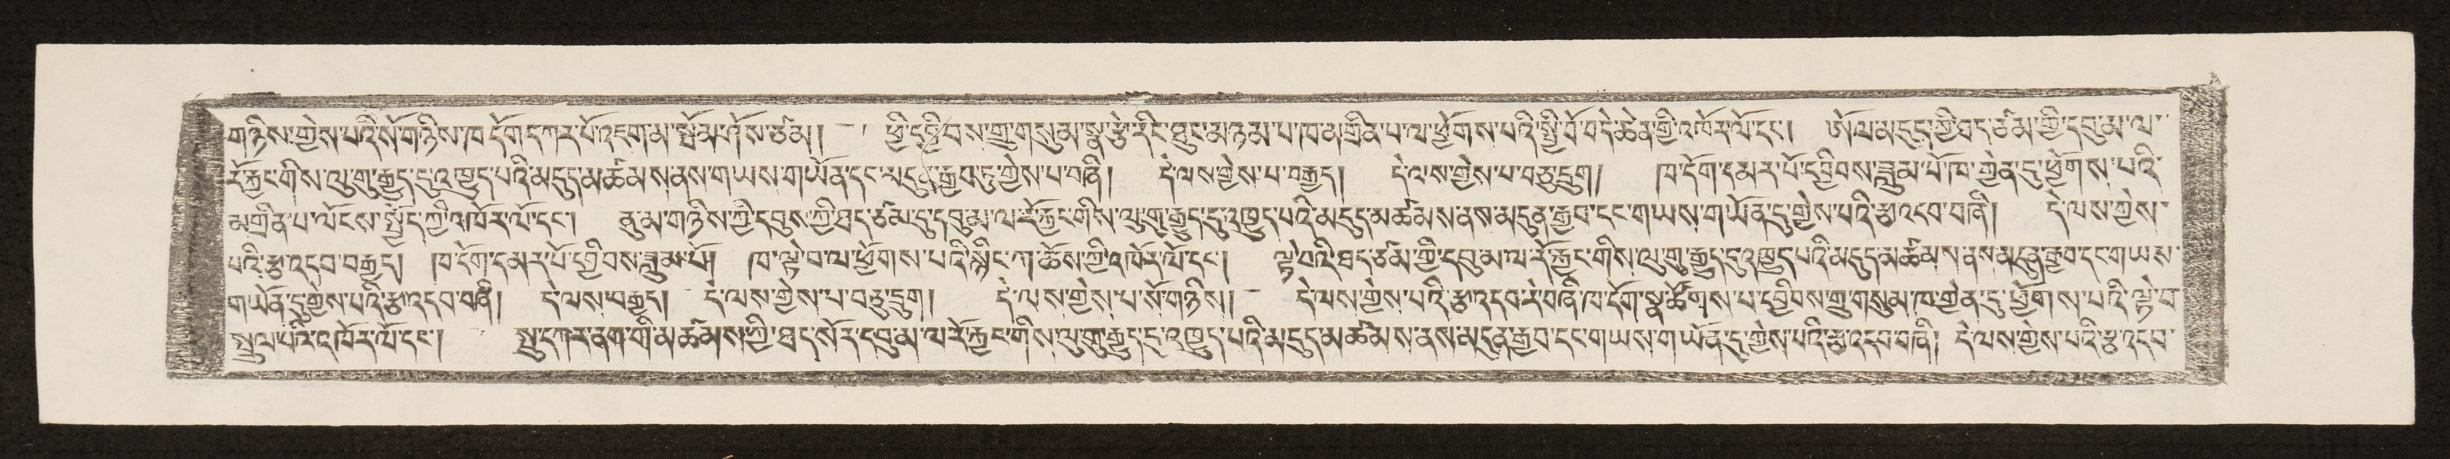གཉིས་གྱེས་པའི་སོ་གཉིས་ཁ་དོག་དཀར་པོ་འཇག་མ་སྡོམ་ཤོས་ཙམ། ཕྱི་དབྱིབས་གྲུ་གསུམ་སྣ་རྩེ་རིང་ཐུང་མཉམ་པ་ཁ་མགྲིན་པ་ལ་ཕྱོགས་པའི་སྤྱི་བོ་བདེ་ཆེན་གྱི་འཁོར་ལོ་དང་། ཨོལ་མདུད་ཀྱི་ཐད་ཙམ་གྱི་དབུ་མ་ལ་
རོ་རྐྱང་གིས་ལུ་གུ་རྒྱུད་དུ་འཁྱུད་པའི་མདུད་མཚམས་ནས་གཡས་གཡོན་དང་མདུན་རྒྱབ་ཏུ་གྱེས་བ་བཞི། དེ་ལས་གྱེས་པ་བརྒྱད། དེ་ལས་གྱེས་པ་བཅུ་དྲུག། ཁ་དོག་དམར་པོ་དབྱིབས་ཟླུམ་པོ་ཁ་གྱེན་དུ་ཕྱོགས་པའི་
མགྲིན་པ་ལོངས་སྤྱོད་ཀྱི་འཁོར་ལོ་དང་། ནུ་མ་གཉིས་ཀྱི་དབུས་ཀྱི་ཐད་ཙམ་དུ་དབུ་མ་ལ་རོ་རྐྱང་གིས་ལུ་གུ་རྒྱུད་དུ་འཁྱུད་པའི་མདུད་མཚམས་ནས་མདུན་རྒྱབ་དང་གཡས་གཡོན་དུ་གྱེས་པའི་རྩ་འདབ་བཞི། དེ་ལས་གྱེས་
པའི་རྩ་འདབ་བརྒྱད་ཁ་དོག་དམར་པོ་དབྱིབས་ཟླུམ་པོ། ཁ་ལྟེ་བ་ལ་ཕྱོགས་པའི་སྙིང་ག་ཆོས་ཀྱི་འཁོར་ལོ་དང་། ལྟེ་བའི་ཐད་ཙམ་གྱི་དབུ་མ་ལ་རོ་རྐྱང་གིས་ལུ་གུ་རྒྱུད་དུ་འཁྱུད་པའི་མདུད་མཚམས་ནས་མདུན་རྒྱབ་དང་གཡས་
གཡོན་དུ་གྱེས་པའི་རྩ་འདབ་བཞི། དེ་ལས་བརྒྱད། དེ་ལས་གྱེས་པ་བཅུ་དྲུག། དེ་ལས་གྱེས་པ་སོ་གཉིས། དེ་ལས་གྱེས་པའི་རྩ་འདབ་རེ་བཞི་ཁ་དོག་སྣ་ཚོགས་པ་དབྱིབས་གྲུ་གསུམ་ཁ་གྱེན་དུ་ཕྱོགས་པའི་ལྟེ་བ་
སྤྲུལ་པའི་འཁོར་ལོ་དང་། སྤུ་དཀར་ནག་གི་མཚམས་ཀྱི་ཐད་སོར་དབུ་མ་ལ་རོ་རྐྱང་གིས་ལུ་གུ་རྒྱུད་དུ་འཁྱུད་པའི་མདུད་མཚམས་ནས་མདུན་རྒྱབ་དང་གཡས་གཡོན་དུ་གྱེས་པའི་རྩ་འདབ་བཞི། དེ་ལས་གྱེས་པའི་རྩ་འདབ་